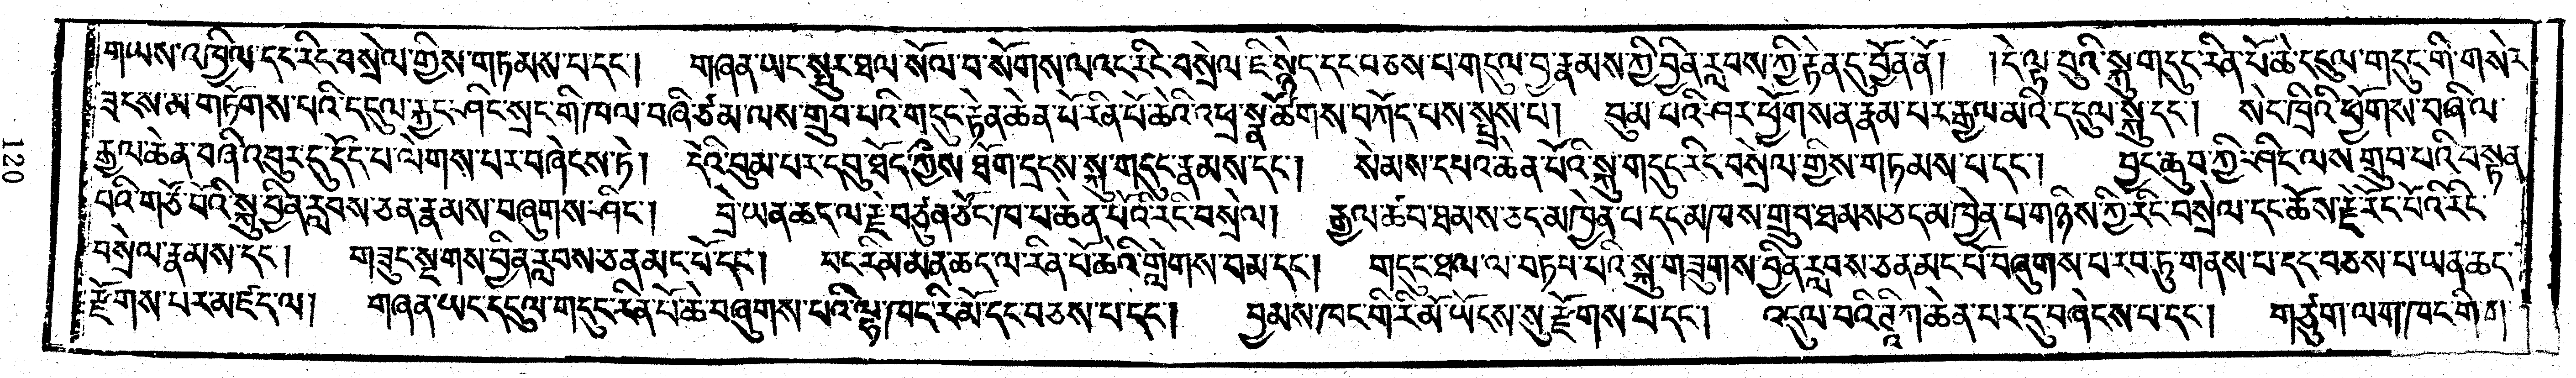གཡས་འཁྱིལ་དང་རིང་བསྲེལ་གྱིས་གཏམས་པ་དང་། གཞན་ཡང་སྤུར་ཐལ་སོལ་བ་སོགས་ལའང་རིང་བསྲེལ་ཇི་སྙེད་དང་བཅས་པ་གདུལ་བྱ་རྣམས་ཀྱི་བྱིན་རླབས་ཀྱི་རྟེན་དུ་བྱོན་ནོ། །དེ་ལྟ་བུའི་སྐུ་གདུང་རིན་པོ་ཆེ་དངུལ་གདུང་གི་གསེར་
ཟངས་མ་གཏོགས་པའི་དངུལ་རྐྱང་ཤིང་སྲང་གི་ཁལ་བཞི་ཙམ་ལས་གྲུབ་པའི་གདུང་རྟེན་ཆེན་པོ་རིན་པོ་ཆེའི་འཕྲ་སྣ་ཚོགས་བཀོད་པས་སྤྲས་པ། བུམ་པའི་ཤར་ཕྱོགས་ན་རྣམ་པར་རྒྱལ་མའི་དངུལ་སྐུ་དང་། སེང་ཁྲིའི་ཕྱོགས་བཞི་ལ་
རྒྱལ་ཆེན་བཞི་འབུར་དུ་དོད་པ་ལེགས་པར་བཞེངས་ཏེ། དེའི་བུམ་པར་དབུ་ཐོད་ཀྱིས་ཐོག་དྲངས་སྐུ་གདུང་རྣམས་དང་། སེམས་དཔའ་ཆེན་པོའི་སྐུ་གདུང་རིང་བསྲེལ་གྱིས་གཏམས་པ་དང་། བྱང་ཆུབ་ཀྱི་ཤིང་ལས་གྲུབ་པའི་བསྟན་
པའི་གཙོ་བོའི་སྐུ་བྱིན་རླབས་ཅན་རྣམས་བཞུགས་ཤིང་། བྲེ་ཡན་ཆད་ལ་རྗེ་བཙུན་ཙོང་ཁ་པ་ཆེན་པོའི་རིང་བསྲེལ། རྒྱལ་ཚབ་ཐམས་ཅད་མཁྱེན་པ་དང་མཁས་གྲུབ་ཐམས་ཅད་མཁྱེན་པ་གཉིས་ཀྱི་རིང་བསྲེལ་དང་ཆོས་རྗེ་རོང་པོའི་རིང་
བསྲེལ་རྣམས་དང་། གཟུང་སྔགས་བྱིན་རླབས་ཅན་མང་པོ་དང་། བང་རིམ་མན་ཆད་ལ་རིན་པོ་ཆེའི་གླེགས་བམ་དང་། གདུང་ཐལ་ལ་བཏབ་པའི་སྐུ་གཟུགས་བྱིན་རླབས་ཅན་མང་པོ་བཞུགས་པ་རབ་ཏུ་གནས་པ་དང་བཅས་པ་ཡན་ཆད་
རྫོགས་པར་མཛད་ལ། གཞན་ཡང་དངུལ་གདུང་རིན་པོ་ཆེ་བཞུགས་པའི་ལྷ་ཁང་རི་མོ་དང་བཅས་པ་དང་། བྱམས་ཁང་གི་རི་མོ་ཡོངས་སུ་རྫོགས་པ་དང་། འདུལ་བའི་ཊཱི་ཀ་ཆེན་པར་དུ་བཞེངས་པ་དང་། གཙུག་ལག་ཁང་གི་ག་